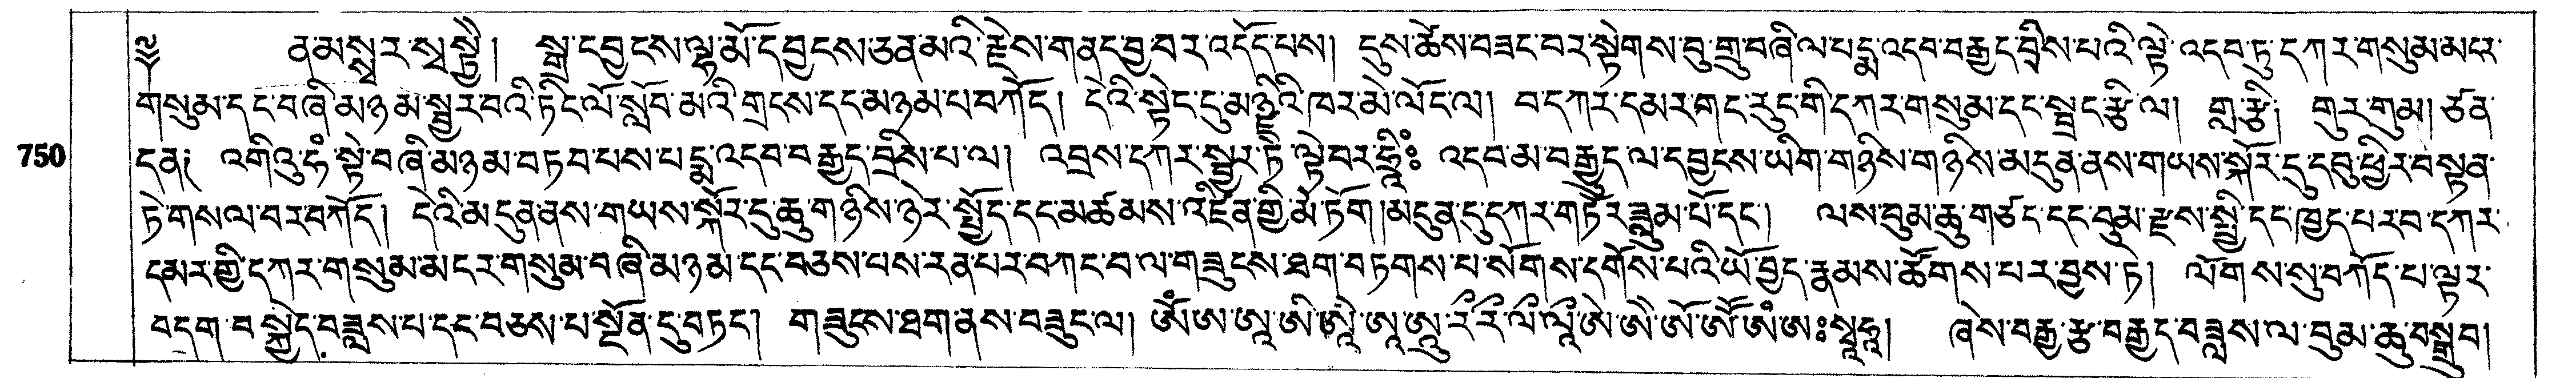༈ ན་མསྶྭ་ར་སྭསྟྱཻ། སྒྲ་དབྱངས་ལྷ་མོ་དབྱངས་ཅན་མའི་རྗེས་གནང་བྱ་བར་འདོད་པས། དུས་ཚེས་བཟང་བར་སྟེགས་བུ་གྲུ་བཞི་ལ་པདམ་འདབ་བརྒྱད་བྲིས་པའི་ལྟེ་འདབ་ཏུ་དཀར་གསུམ་མངར་
གསུམ་དང་བཞི་མཉམ་སྦྱར་བའི་ཏིང་ལོ་སློབ་མའི་གྲགས་དང་མཉམ་པ་བཀོད། དེའི་སྟེང་དུ་མཉྫིའི་ཁར་མེ་ལོང་ལ། བ་དཀར་དམར་གང་རུང་གི་དཀར་གསུམ་དང་སྦྲང་རྩི་ལ། གླ་རྩི༑ གུར་གུམ། ཙན་
དན༑ འགིའུ་ཧཾ་སྟེ་བཞི་མཉམ་བཏབ་པས་པདམ་འདབ་བརྒྱད་བྲིས་པ་ལ། འབྲས་དཀར་སྦྱར་ཏེ་ལྟེ་བར་ཧྲཱིཾཿ འདབ་མ་བརྒྱུད་ལ་དབྱངས་ཡིག་གཉིས་གཉིས་མདུན་ནས་གཡས་སྐོར་དུ་དབུ་ཕྱིར་བསྟན་
ཏེ་གསལ་བར་བཀོད། དེའི་མདུན་ནས་གཡས་སྐོར་དུ་ཆུ་གཉིས་ཉེར་སྤྱོད་དང་མཚམས་འཛིན་གྱི་མེ་ཏོག །མདུན་དུ་དཀར་གཏོར་ཟླུམ་པོ་དང་། ལས་བུམ་ཆུ་གཙང་དང་བུམ་རྫས་སྤྱི་དང་ཁྱད་པར་བ་དཀར་
དམར་གྱི་དཀར་གསུམ་མངར་གསུམ་བཞི་མཉམ་དང་བཅས་པས་རན་པར་བཀང་བ་ལ་གཟུངས་ཐག་བཏགས་པ་སོགས་དགོས་པའི་ཡོ་བྱད་རྣམས་ཚོགས་པར་བྱས་ཏེ། ལོགས་སུ་བཀོད་པ་ལྟར་
བདག་བསྐྱེད་བཟླས་པ་དང་བཅས་པ་སྔོན་དུ་བཏང་། གཟུངས་ཐག་ནས་བཟུང་ལ། ཨོཾ་ཨ་ཨཱ་ཨི་ཨཱི་ཨཱ་ཨཱུ་རྀ་རྀ་ལྀ་ལཱྀ་ཨེ་ཨཻ་ཨོ་ཨཽ་ཨཾ་ཨཿ སྭཱ་ཧཱ། ཞེས་བརྒྱ་རྩ་བརྒྱད་བཟླས་ལ་བུམ་ཆུ་བསྒྲུབ།